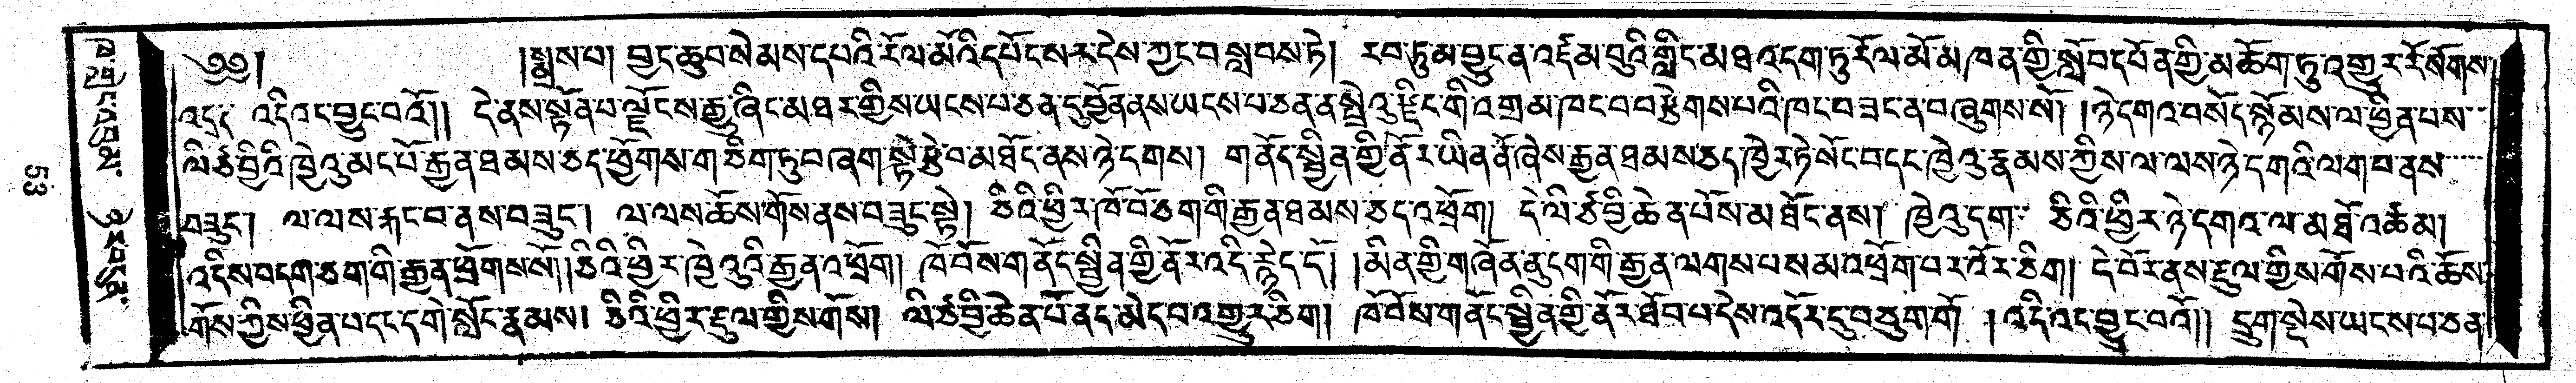༄༅། །སྨྲས་པ། བྱང་ཆུབ་སེམས་དཔའི་རོལ་མོའི་དཔོང་སར་དེས་ཀྱང་བསླབས་ཏེ། རབ་ཏུ་མ་བྱུང་ན་འཛམ་བུའི་གླིང་མཐའ་དག་ཏུ་རོལ་མོ་མཁན་གྱི་སློབ་དཔོན་གྱི་མཆོག་ཏུ་འགྱུར་རོ་སོགས་
འདྲ༑ འདིའང་བྱུང་བའོ། །དེ་ནས་སྟོན་པ་ལྗོངས་རྒྱུ་ཞིང་མཐར་གྱིས་ཡངས་པ་ཅན་དུ་བྱོན་ནས་ཡངས་པ་ཅན་ན་སྤྲེའུ་རྫིང་གི་འགྲམ་ཁང་བ་བརྩེགས་པའི་ཁང་བཟང་ན་བཞུགས་སོ། །ཉེ་དགའ་བསོད་སྙོམས་ལ་ཕྱིན་པས་
ལི་ཙ་བྱིའི་ཁྱེའུ་མང་པོ་རྒྱན་ཐམས་ཅད་ཕྱོགས་གཅིག་ཏུ་བཞག་སྟེ་རྩེ་བ་མཐོང་ནས་ཉེ་དགས། གནོད་སྦྱིན་གྱི་ནོར་ཡིན་ནོ་ཞེས་རྒྱན་ཐམས་ཅད་ཁྱེར་ཏེ་སོང་བ་དང་ཁྱེའུ་རྣམས་ཀྱིས་ལ་ལས་ཉེ་དགའི་ལག་བ་ནས་
བཟུང་། ལ་ལས་རྐང་བ་ནས་བཟུང་། ལ་ལས་ཆོས་གོས་ནས་བཟུང་སྟེ། ཅིའི་ཕྱིར་ཁོ་བོ་ཅག་གི་རྒྱན་ཐམས་ཅད་འཕྲོག། དེ་ལི་ཙ་བྱི་ཆེན་པོས་མཐོང་ནས། ཁྱེའུ་དག༑ ཅིའི་ཕྱིར་ཉེ་དགའ་ལ་མཐོ་འཚམ།
འདིས་བདག་ཅག་གི་རྒྱན་ཕྲོགས་སོ། །ཅིའི་ཕྱིར་ཁྱེའུའི་རྒྱན་འཕྲོག། ཁོ་བོས་གནོད་སྦྱིན་གྱི་ནོར་འདི་རྙེད་དོ། །མིན་གྱི་གཞོན་ནུ་ངག་གི་རྒྱན་ལགས་བསམ་འཕྲོག་པར་འོར་ཅིག། དེ་བོར་ནས་རྡུལ་གྱིས་གོས་པའི་ཆོས་
གོས་ཀྱིས་ཕྱིན་པ་དང་དགེ་སློང་རྣམས། ཅིའི་ཕྱིར་རྡུལ་གྱིས་གོས། ལི་ཙ་བྱི་ཆེན་པོ་ནད་མེད་པ་འགྱུར་ཅིག། ཁོ་བོས་གནོད་སྦྱིན་གྱི་ནོར་ཐོབ་པ་དེས་འདོར་དུ་བཅུག་གོ །འདིའང་བྱུང་བའོ། །དྲུག་སྡེས་ཡངས་པ་ཅན་